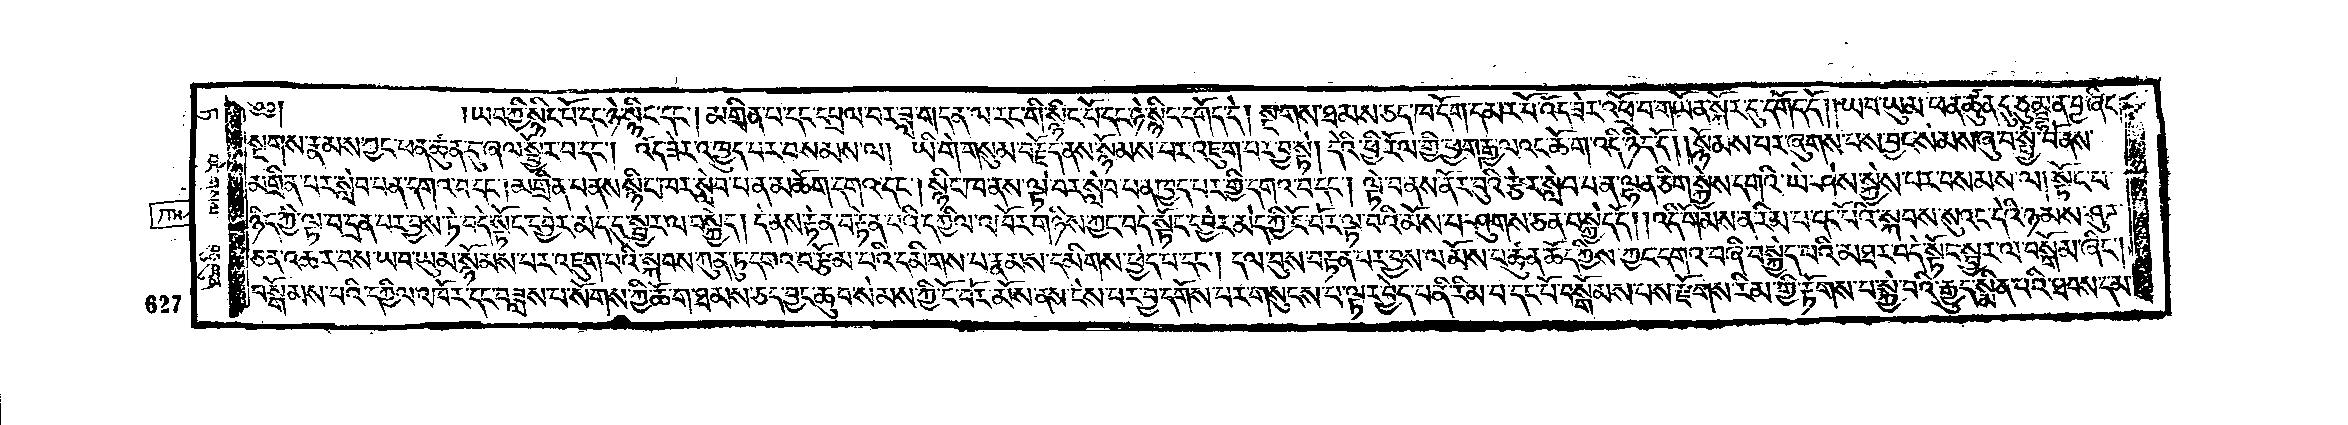༄༅། །ཡབ་ཀྱི་སྙིང་པོ་དང་ཉེ་སྙིང་དང་། མགྲིན་པ་དང་དཔྲལ་བར་ཟླ་གདན་ལ་རང་གི་སྙིང་པོ་དང་ཉེ་སྙིང་དགོད་དེ། སྔགས་ཐམས་ཅད་ཁ་དོག་དམར་པོ་འོད་ཟེར་འཕྲོ་བ་གཡོན་སྐོར་དུ་དགོད་དོ། །ཡབ་ཡུམ་ཕན་ཚུན་དུ་ཅུ་མྦྷ་ན་བྱ་ཞིང་།
སྔགས་རྣམས་ཀྱང་ཕན་ཚུན་དུ་ཞལ་སྦྱོར་བ་དང་། འོད་ཟེར་འཁྱུད་པར་བསམས་ལ། ཡི་གེ་གསུམ་བརྗོད་ནས་སྙོམས་པར་འཇུག་པར་བྱ་སྟེ། དེའི་ཕྱི་རོལ་གྱི་ཕྱག་རྒྱ་ལའང་ཆོ་ག་འདི་ཉིད་དོ། །སྙོམས་པར་ཞུགས་པས་བྱང་སེམས་ཞུ་བ་སྤྱི་བོ་ནས་
མགྲིན་པར་སླེབ་པ་ན་དགའ་བ་དང་། མགྲིན་པ་ནས་སྙིང་ཁར་སླེབ་པ་ན་མཆོག་དགའ་དང་། སྙིང་ཁ་ནས་ལྟེ་བར་སླེབ་པ་ན་ཁྱད་པར་གྱི་དགའ་བ་དང་། ལྟེ་བ་ནས་ནོར་བུའི་རྩེར་སླེབ་པ་ན་ལྷན་ཅིག་སྐྱེས་དགའི་ཡེ་ཤེས་སྐྱེས་པར་བསམས་ལ། སྟོང་པ་
ཉིད་ཀྱི་ལྟ་བ་དྲན་པར་བྱས་ཏེ་བདེ་སྟོང་དབྱེར་མེད་དུ་སྦྱར་ལ་བསྐྱེད། དེ་ནས་རྟེན་བརྟེན་པའི་དཀྱིལ་འཁོར་གཉིས་ཀྱང་བདེ་སྟོང་དབྱེར་མེད་ཀྱི་ངོ་བོར་ལྟ་བའི་མོས་པ་ཤུགས་ཅན་བསྐྱེད་དོ། །འདི་གོམས་ན་རིམ་པ་དང་པོའི་སྐབས་སུའང་དེའི་ཉམས་ཤུགས་
ཅན་འཆར་བས་ཡབ་ཡུམ་སྙོམས་པར་འཇུག་པའི་སྐབས་ཀུན་ཏུ་དགའ་བརྩོམ་པའི་དམིགས་པ་རྣམས་དམིགས་ཕྱེད་པ་དང་། དལ་བུས་བརྟན་པར་བྱས་ལ་མོས་པ་ཚུན་ཆོད་ཀྱིས་ཀྱང་དགའ་བཞི་བསྐྱེད་པའི་མཐར་བདེ་སྟོང་སྦྱར་ལ་བསྒོམ་ཞིང་།
བསྒོམས་པའི་དཀྱིལ་འཁོར་དང་བཟླས་པ་སོགས་ཀྱི་ཆོ་ག་ཐམས་ཅད་བྱང་ཆུབ་སེམས་ཀྱི་ངོ་བོར་མོས་ནས་ངེས་པར་བྱ་དགོས་པར་གསུངས་པ་ལྟར་བྱེད་པ་ནི་རིམ་པ་དང་པོ་བསྒོམས་པས་རྫོགས་རིམ་གྱི་རྟོགས་པ་སྐྱེ་བའི་རྒྱུད་སྨིན་པའི་ཐབས་དམ་